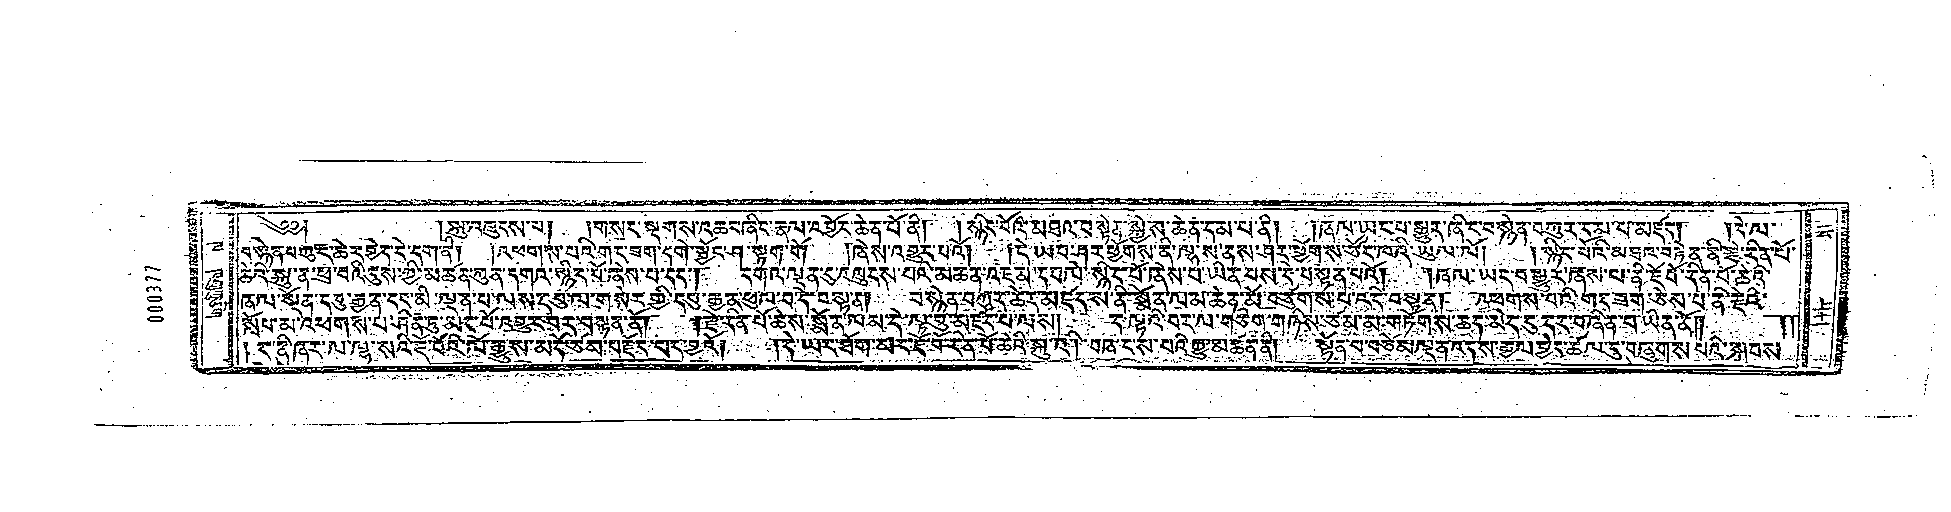༄༅། །སྐུ་འཁྲུངས་པ། །གསང་སྔགས་འཆང་ཞིང་རྣལ་འབྱོར་ཆེན་པོ་ནི། །སྙིང་པོའི་མཐའ་བསྟེན་སྐྱེས་ཆེན་དམ་པ་ནི། །ཞལ་ཡང་བསྒྱུར་ཞིང་བསྙེན་བཀུར་དམ་པ་མཛད། །དེ་ལ་
བསྙེན་བཀུར་ཆེར་བྱེད་དེ་དག་ནི། །འཕགས་པའི་གང་ཟག་དགེ་སྦྱོང་ཤ་སྟག་གོ །ཞེས་འབྱུང་བའོ། །དེ་ཡབ་ཤར་ཕྱོགས་ནི་ལྷ་ས་ནས་ཤར་ཕྱོགས་ཙོང་ཁའི་ཡུལ་ལོ། །སྙིང་པོའི་མཐའ་བརྟེན་ནི་རྗེ་རིན་པོ་
ཆེའི་སྐུ་ན་ཕྲ་བའི་དུས་ཀྱི་མཚན་ཀུན་དགའ་སྙིང་པོ་ཞེས་པ་དང་། དགའ་ལྡན་དུ་འཁྲུངས་པའི་མཚན་འཇམ་དཔལ་སྙིང་པོ་ཞེས་པ་ཡིན་པས་དེ་བསྟན་པའོ། །ཞལ་ཡང་བསྒྱུར་ཞེས་པ་ནི་ཇོ་བོ་རིན་པོ་ཆེའི་
ཞལ་སྔོན་དབུ་རྒྱན་དང་མི་ལྡན་པ་ལས་དབུ་ལ་གསེར་གྱི་དབུ་རྒྱན་ཕུལ་བ་དེ་བསྟན། བསྙེན་བཀུར་ཆེར་མཛད་ས་ནི་སྨོན་ལམ་ཆེན་མོ་བཙུགས་པ་འདི་བསྟན། འཕགས་པའི་གང་ཟག་ཅེས་པ་ནི་རྗེའི་
སློབ་མ་འཕགས་པ་ཤིན་ཏུ་མང་པོ་འབྱུང་བར་བསྟན་ནོ། །རྗེ་རིན་པོ་ཆེས་སྨོན་ལམ་དེ་ལྟ་བུ་མཛད་པ་ལས། ད་ལྟའི་བར་ལ་གཅིག་གཉིས་ཙམ་མ་གཏོགས་ཆད་མེད་དུ་དར་བཞིན་པ་ཡིན་ནོ།། །།
།ད་ནི་ཞར་ལ་ལྷ་སའི་ཇོ་བོའི་ལོ་རྒྱུས་མདོ་ཙམ་བརྗོད་པར་བྱའོ། །དེ་ཡང་ཐོག་མར་ཇོ་བོ་རིན་པོ་ཆེའི་སྐུ་འདི་བཞེངས་པའི་གྱུ་མཚན་ནི། སྟོན་པ་བཅོམ་ལྡན་འདས་རྒྱལ་བྱེད་ཚལ་དུ་བཞུགས་པའི་སྐབས་